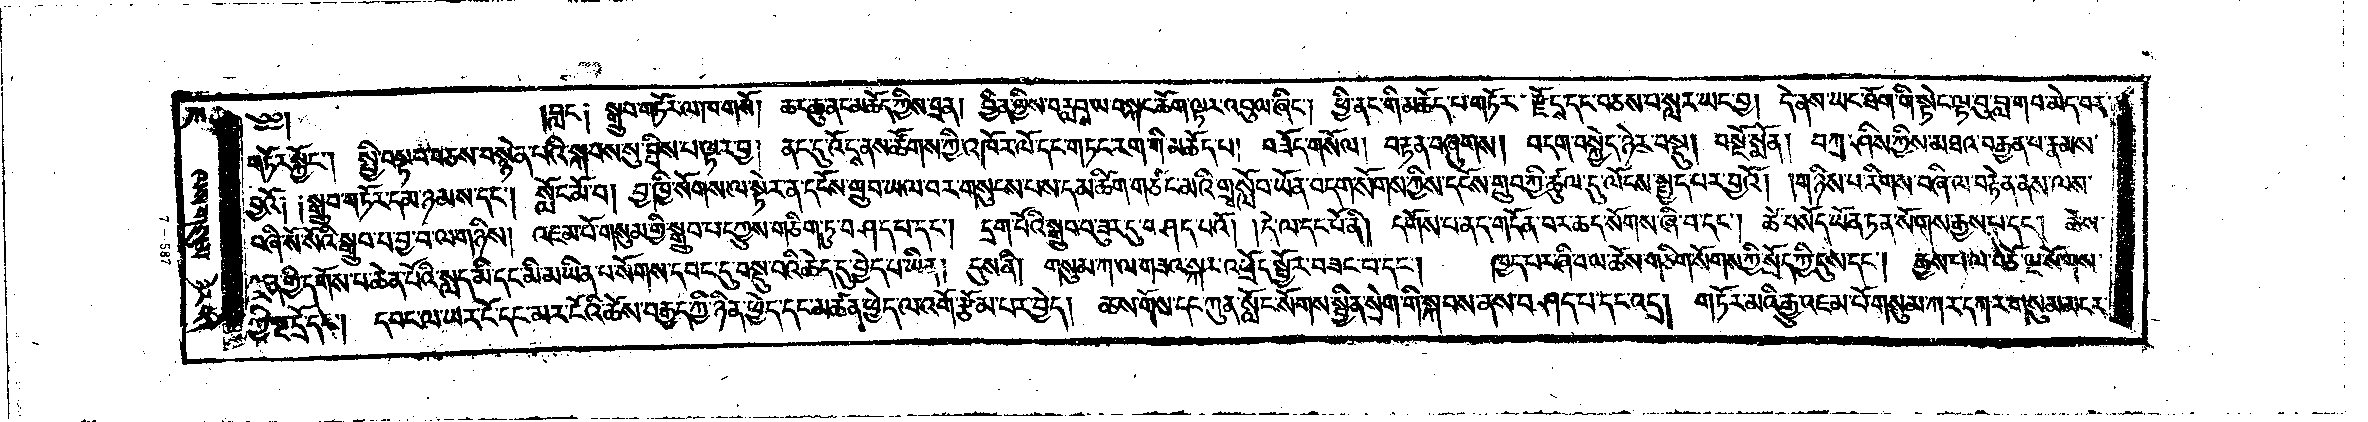༄༅། །བླང༑ སྒྲུབ་གཏོར་ལ་ཁ་གསོ། ཆང་ཆུ་ནང་མཆོད་ཀྱིས་བྲན། བྱིན་གྱིས་བརླབས་ལ་བསྐང་ཆོག་ལྟར་འབུལ་ཞིང་། ཕྱི་ནང་གི་མཆོད་པ་གཏོར་རྫོངས་དང་བཅས་བ་སླར་ཡང་བྱ། དེ་ནས་ཡང་ཐོག་གི་སྟེང་ལྟ་བུ་བླ་ག་བ་མེད་པར་
གཏོར་སྐྱོང་། སྤྱི་བསྟབ་བཅས་བསྙེན་པའི་སྐབས་སུ་བྲིས་པ་ལྟར་བྱ། ནང་དུ་འོངས་ནས་ཚོགས་ཀྱི་འཁོར་ལོ་དང་གཏང་རག་གི་མཆོད་པ། བཟོད་གསོལ། བརྟན་བཞུགས། བདག་བསྐྱེད་ཉེར་བསྡུ། བསྔོ་སྨོན། བཀྲ་ཤས་ཀྱིས་མཐའ་བརྒྱན་པ་རྣམས་
བྱའོ༑ ༑སྒྲུབ་གཏོར་དམ་ཉམས་དང་། སློང་མོ་བ། བྱ་ཁྱི་སོགས་ལ་སྟེར་ན་དངོས་གྲུབ་ཡལ་བར་གསུངས་པས་དམ་ཚིག་གཙང་མའི་གྲྭ་སློབ་ཡོན་བདག་སོགས་ཀྱིས་དངོས་གྲུབ་ཀྱི་ཚུལ་དུ་ལོངས་སྤྱད་པར་བྱའོ། །གཉིས་པ་རིགས་བཞི་ལ་བརྟེན་ནས་ལས་
བཞི་སོ་སོའི་སྒྲུབ་པ་བྱ་བ་ལ་གཉིས། འཇམ་པོ་གསུམ་གྱི་སྒྲུབ་པ་དཀྱུས་གཅིག་ཏུ་བཤད་པ་དང་། དྲག་པོའི་སྒྲུབ་བ་ཟུར་དུ་བཤད་པའོ། །དེ་ལ་དང་པོ་ནི། དགོས་པ་ནད་གདོན་བར་ཆད་སོགས་ཞི་བ་དང་། ཚེ་བསོད་ཡོན་ཏན་སོགས་རྒྱས་པ་དང་། ཆོས་
ལྡན་གྱི་དགོས་པ་ཆེན་པོའི་སླད་མི་དང་མི་མ་ཡིན་པ་སོགས་དབང་དུ་བསྡུ་བའི་ཆེད་དུ་བྱེད་པ་ཡིན། དུས་ནི། གསུམ་ཀ་ལ་གཟའ་སྐར་འཕྲོད་སྦྱོར་བཟང་བ་དང་། ཁྱད་པར་ཞིབ་ལ་ཚེས་གཅིག་སོགས་ཀྱི་སྲོད་ཀྱི་དུས་དང་། རྒྱས་པ་ལ་བཅོ་ལྔ་སོགས་
ཀྱི་སྔ་དྲོ་དང་། དབང་ལ་ཡར་ངོ་དང་མར་ངོའི་ཚེས་བརྒྱད་ཀྱི་ཉིན་ཕྱེད་དང་མཚན་ཕྱེད་ལ་འགོ་རྩོམ་པར་བྱེད། ཆས་གོས་དང་ཀུན་སློང་སོགས་སྦྱིན་སྲེག་གི་སྐབས་ནས་བཤད་པ་དང་འདྲ། གཏོར་མའི་རྒྱུ་འཇམ་པོ་གསུམ་ཀར་དཀར་གསུམ་མངར་